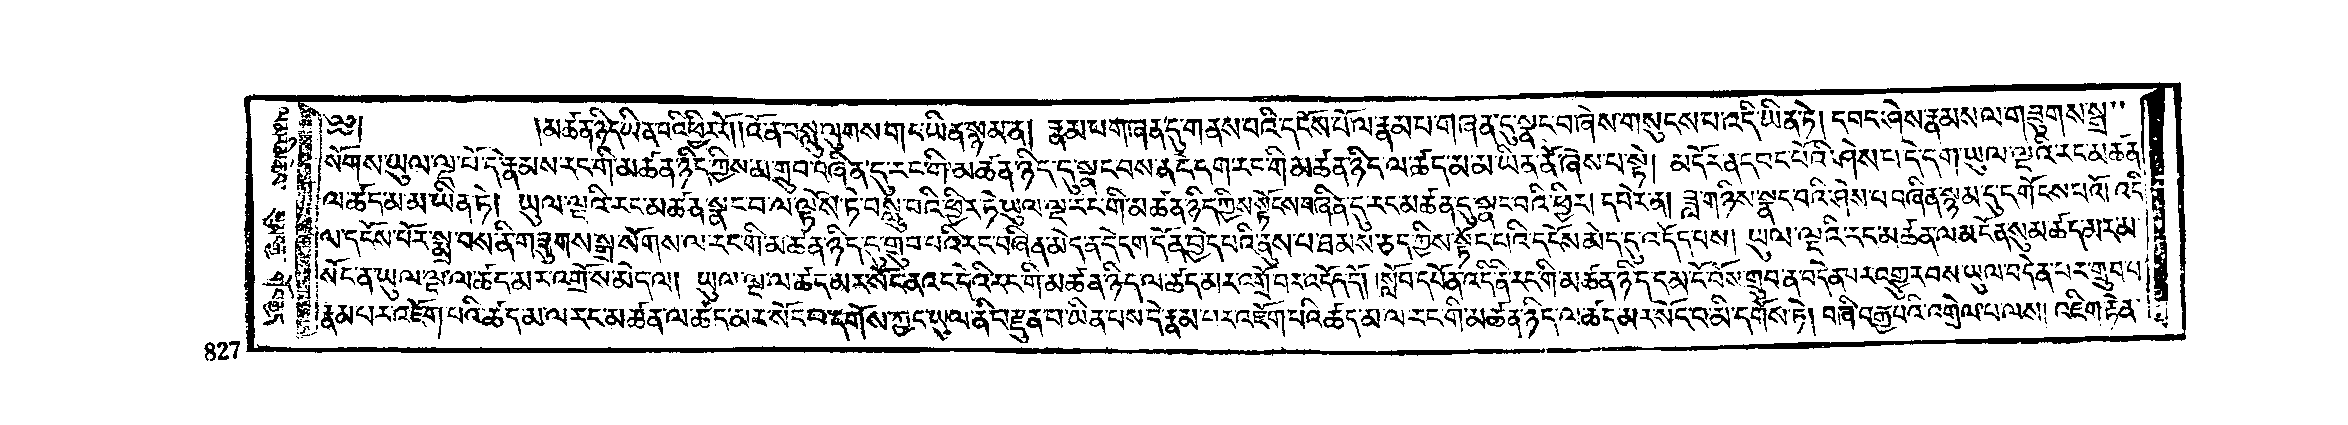༄༅། །མཚན་ཉིད་ཡིན་པའི་ཕྱིར་རོ། །འོ་ན་བསླུ་ལུགས་གང་ཡིན་སྙམ་ན། རྣམ་པ་གཞན་དུ་གནས་པའི་དངོས་པོ་ལ་རྣམ་པ་གཞན་དུ་སྣང་བ་ཞེས་གསུངས་པ་འདི་ཡིན་ཏེ། དབང་ཤེས་རྣམས་ལ་གཟུགས་སྒྲ་
སོགས་ཡུལ་ལྔ་པོ་དེ་རྣམས་རང་གི་མཚན་ཉིད་ཀྱིས་མ་གྲུབ་བཞིན་དུ་རང་གི་མཚན་ཉིད་དུ་སྣང་བས་ན་དེ་དག་རང་གི་མཚན་ཉིད་ལ་ཚད་མ་མ་ཡིན་ནོ་ཞེས་པ་སྟེ། མདོར་ན་དབང་པོའི་ཤེས་པ་དེ་དག་ཡུལ་ལྔའི་རང་མཚན་
ལ་ཚད་མ་མ་ཡིན་ཏེ། ཡུལ་ལྔའི་རང་མཚན་སྣང་བ་ལ་ལྟོས་ཏེ་བསླུ་བའི་ཕྱིར་ཏེ་ཡུལ་ལྔ་རང་གི་མཚན་ཉིད་ཀྱིས་སྟོངས་བཞིན་དུ་རང་མཚན་དུ་སྣང་བའི་ཕྱིར། དཔེར་ན། ཟླ་གཉིས་སྣང་བའི་ཤེས་པ་བཞིན་སྙམ་དུ་དགོངས་པའོ། །འདི་
ལ་དངོས་པོར་སྨྲ་བས་ནི་གཟུགས་སྒྲ་སོགས་ལ་རང་གི་མཚན་ཉིད་དུ་གྲུབ་པའི་རང་བཞིན་མེད་ན་དེ་དག་དོན་བྱེད་པའི་ནུས་པ་ཐམས་ཅད་ཀྱིས་སྟོང་པའི་དངོས་མེད་དུ་འདོད་པས། ཡུལ་ལྔའི་རང་མཚན་ལ་མངོན་སུམ་ཚད་མར་མ་
སོང་ན་ཡུལ་ལྔ་ལ་ཚད་མར་འགྲོ་ས་མེད་ལ། ཡུལ་ལྔ་ལ་ཚད་མར་སོང་ནའང་དེའི་རང་གི་མཚན་ཉིད་ལ་ཚད་མར་འགྲོ་བར་འདོད་དོ། །སློབ་དཔོན་འདི་ནི་རང་གི་མཚན་ཉིད་དམ་ངོ་བོས་གྲུབ་ན་བདེན་པར་འགྱུར་བས་ཡུལ་བདེན་པར་གྲུབ་པ་
རྣམ་པར་འཇོག་པའི་ཚད་མ་ལ་རང་མཚན་ལ་ཚད་མར་སོང་བ་དགོས་ཀྱང་ཡུལ་ནི་བརྫུན་པ་ཡིན་པས་དེ་རྣམ་པར་འཇོག་པའི་ཚད་མ་ལ་རང་གི་མཚན་ཉིད་ལ་ཚད་མར་སོང་བ་མི་དགོས་ཏེ། བཞི་བརྒྱ་པའི་འགྲེལ་པ་ལས། འཇིག་རྟེན་